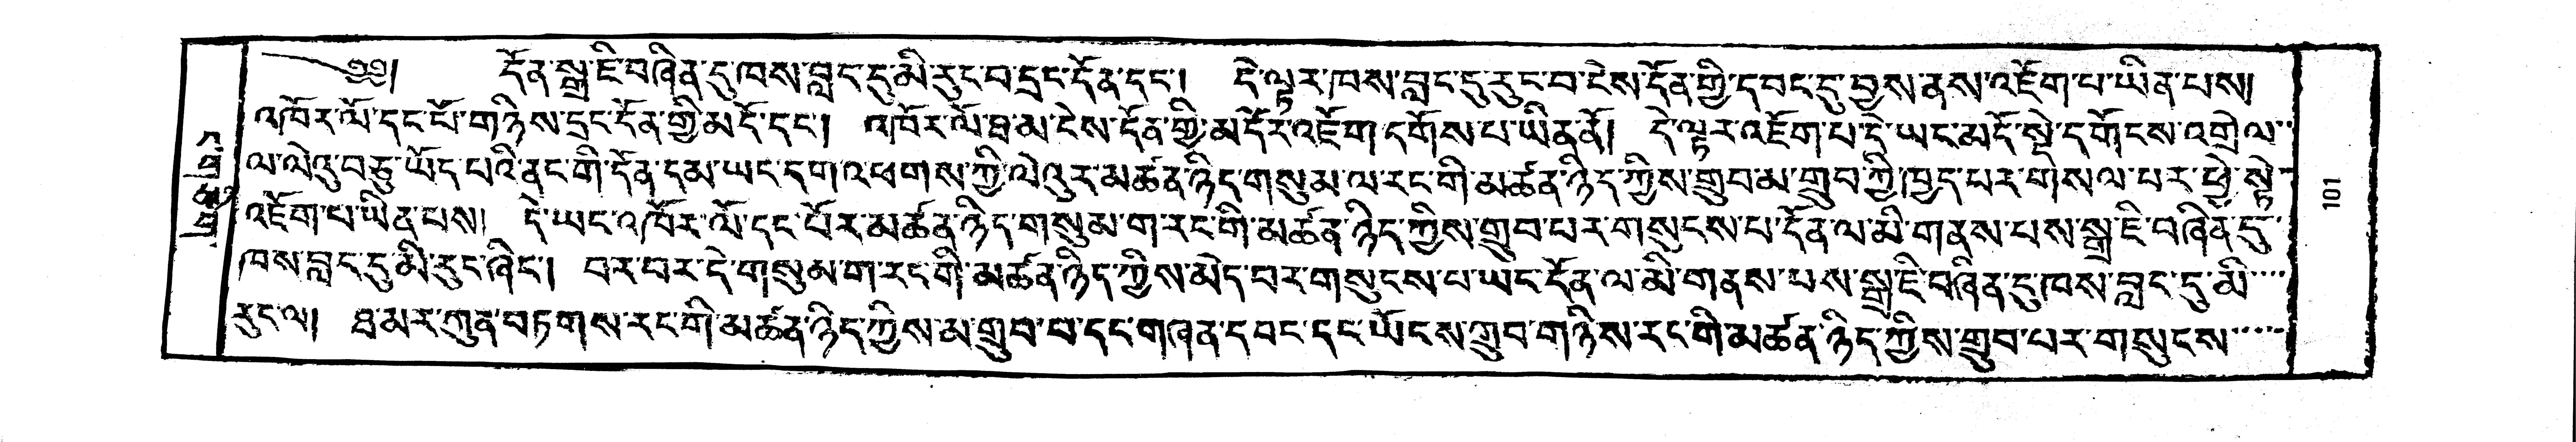༄༅། །དོན་སྒྲ་ཇི་བཞིན་དུ་ཁས་བླང་དུ་མི་རུང་བ་དྲང་དོན་དང་། དེ་ལྟར་ཁས་བླང་དུ་རུང་བ་ངེས་དོན་གྱི་དབང་དུ་བྱས་ནས་འཇོག་པ་ཡིན་པས།
འཁོར་ལོ་དང་པོ་གཉིས་དྲང་དོན་གྱི་མདོ་དང་། འཁོར་ལོ་ཐ་མ་ངེས་དོན་གྱི་མདོར་འཇོག་དགོས་པ་ཡིན་ནོ། དེ་ལྟར་འཇོག་པ་དེ་ཡང་མདོ་སྡེ་དགོངས་འགྲེལ་
ལ་ལེའུ་བཅུ་ཡོད་པའི་ནང་གི་དོན་དམ་ཡང་དག་འཕགས་ཀྱི་ལེའུར་མཚན་ཉིད་གསུམ་ལ་རང་གི་མཚན་ཉིད་ཀྱིས་གྲུབ་མ་གྲུབ་ཀྱི་ཁྱད་པར་གསལ་པར་ཕྱེ་སྟེ་
འཇོག་པ་ཡིན་པས། དེ་ཡང་འཁོར་ལོ་དང་པོར་མཚན་ཉིད་གསུམ་ག་རང་གི་མཚན་ཉིད་ཀྱིས་གྲུབ་པར་གསུངས་པ་དོན་ལ་མི་གནས་པས་སྒྲ་ཇི་བཞིན་དུ་
ཁས་བླང་དུ་མི་རུང་ཞིང་། བར་བར་དེ་གསུམ་ག་རང་གི་མཚན་ཉིད་ཀྱིས་མེད་པར་གསུངས་པ་ཡང་དོན་ལ་མི་གནས་པས་སྒྲ་ཇི་བཞིན་དུ་ཁས་བླང་དུ་མི་
རུང་ལ། ཐ་མར་ཀུན་བཏགས་རང་གི་མཚན་ཉིད་ཀྱིས་མ་གྲུབ་པ་དང་གཞན་དབང་དང་ཡོངས་གྲུབ་གཉིས་རང་གི་མཚན་ཉིད་ཀྱིས་གྲུབ་པར་གསུངས་